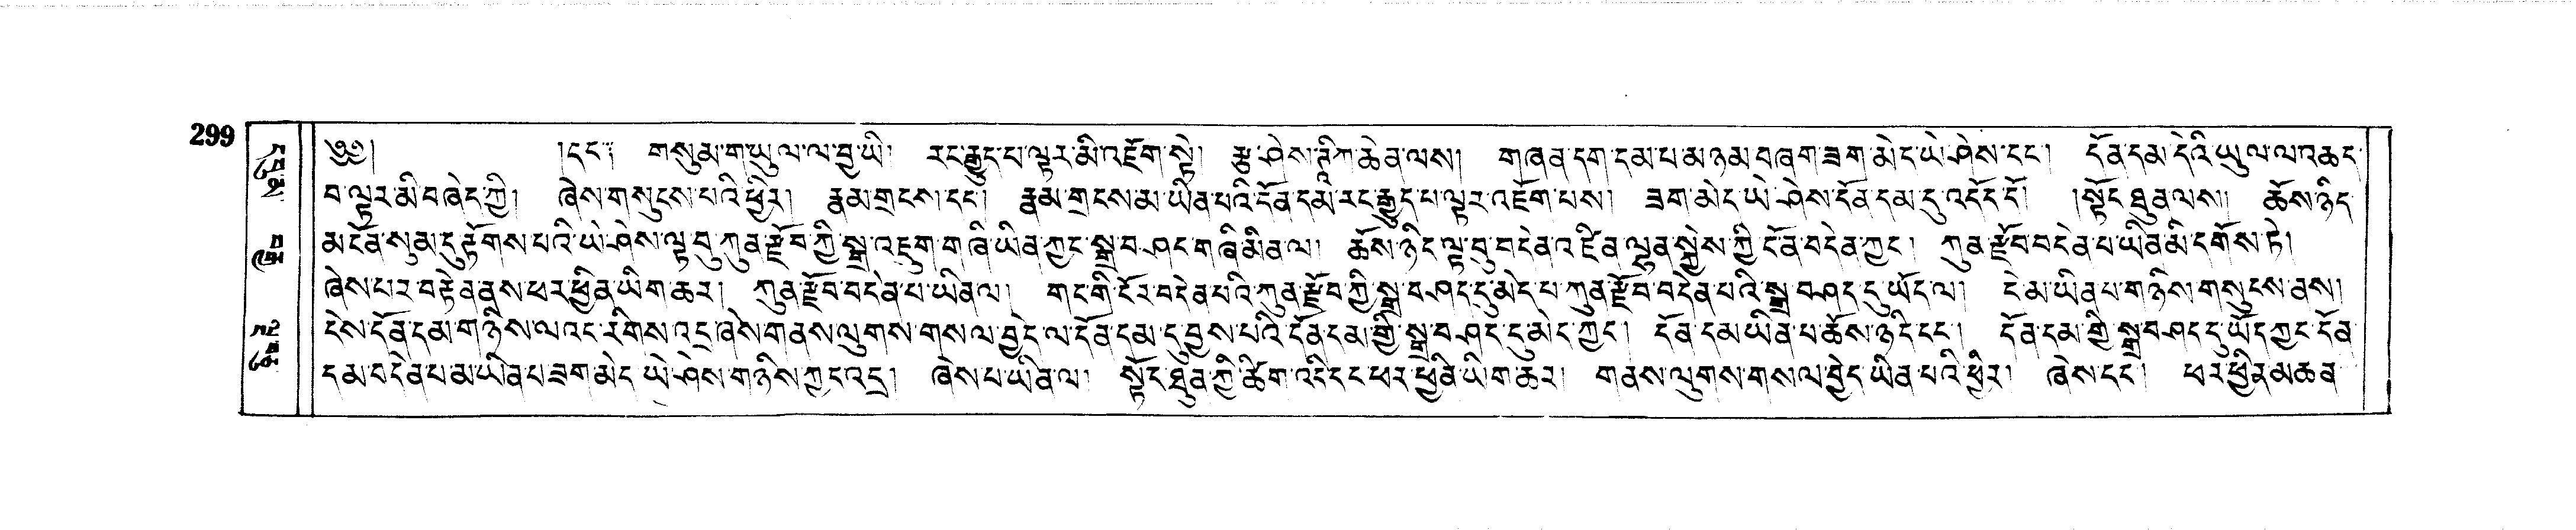༄༅། །དང་། གསུམ་ག་ཡུལ་ལ་བྱ་ཡི། རང་རྒྱུད་པ་ལྟར་མི་འཇོག་སྟེ། རྩ་ཤེས་ཊཱིཀ་ཆེན་ལས། གཞན་དག་དམ་པ་མཉམ་བཞག་ཟག་མེད་ཡེ་ཤེས་དང་། དོན་དམ་དེའི་ཡུལ་ལ་འཆད་
བ་ལྟར་མི་བཞེད་ཀྱི། ཞེས་གསུངས་པའི་ཕྱིར། རྣམ་གྲངས་དང་། རྣམ་གྲངས་མ་ཡིན་པའི་དོན་དམ་རང་རྒྱུད་པ་ལྟར་འཇོག་པས། ཟག་མེད་ཡེ་ཤེས་དོན་དམ་དུ་འདོད་དོ། །སྟོང་ཐུན་ལས། ཆོས་ཉིད་
མངོན་སུམ་དུ་རྟོགས་པའི་ཡེ་ཤེས་ལྟ་བུ་ཀུན་རྫོབ་ཀྱི་སྒྲ་འཇུག་གཞི་ཡིན་ཀྱང་སྒྲ་བཤད་གཞི་མིན་ལ། ཆོས་ཉིད་ལྟ་བུ་བདེན་འཛིན་ལྷན་སྐྱེས་ཀྱི་ངོ་ན་བདེན་ཀྱང་། ཀུན་རྫོབ་བདེན་པ་ཡིན་མི་དགོས་ཏེ།
ཞེས་པར་བརྟེན་ནས་ཕར་ཕྱིན་ཡིག་ཆར། ཀུན་རྫོབ་བདེན་པ་ཡིན་ལ། གང་གི་ངོར་བདེན་པའི་ཀུན་རྫོབ་ཀྱི་སྒྲ་བཤད་དུ་མེད་པ་ཀུན་རྫོབ་བདེན་པའི་སྒྲ་བཤད་དུ་ཡོད་ལ། དེ་མ་ཡིན་པ་གཉིས་གསུངས་ནས།
དེས་དོན་དམ་གཉིས་ལའང་རིགས་འདྲ་ཞེས་གནས་ལུགས་གསལ་བྱེད་ལ་དོན་དམ་དུ་བྱས་པའི་དོན་དམ་གྱི་སྒྲ་བཤད་དུ་མེད་ཀྱང་། དོན་དམ་ཡིན་པ་ཆོས་ཉིད་དང་། དོན་དམ་གྱི་སྒྲ་བཤད་དུ་ཡོད་ཀྱང་དོན་
དམ་བདེན་པ་མ་ཡིན་པ་ཟག་མེད་ཡེ་ཤེས་གཉིས་ཀྱང་འདྲ། ཞེས་པ་ཡིན་ལ། སྟོང་ཐུན་གྱི་ཚིག་འདི་དང་ཕར་ཕྱིན་ཡིག་ཆར། གནས་ལུགས་གསལ་བྱེད་ཡིན་པའི་ཕྱིར། ཞེས་དང་། ཕར་ཕྱིན་མཆན་